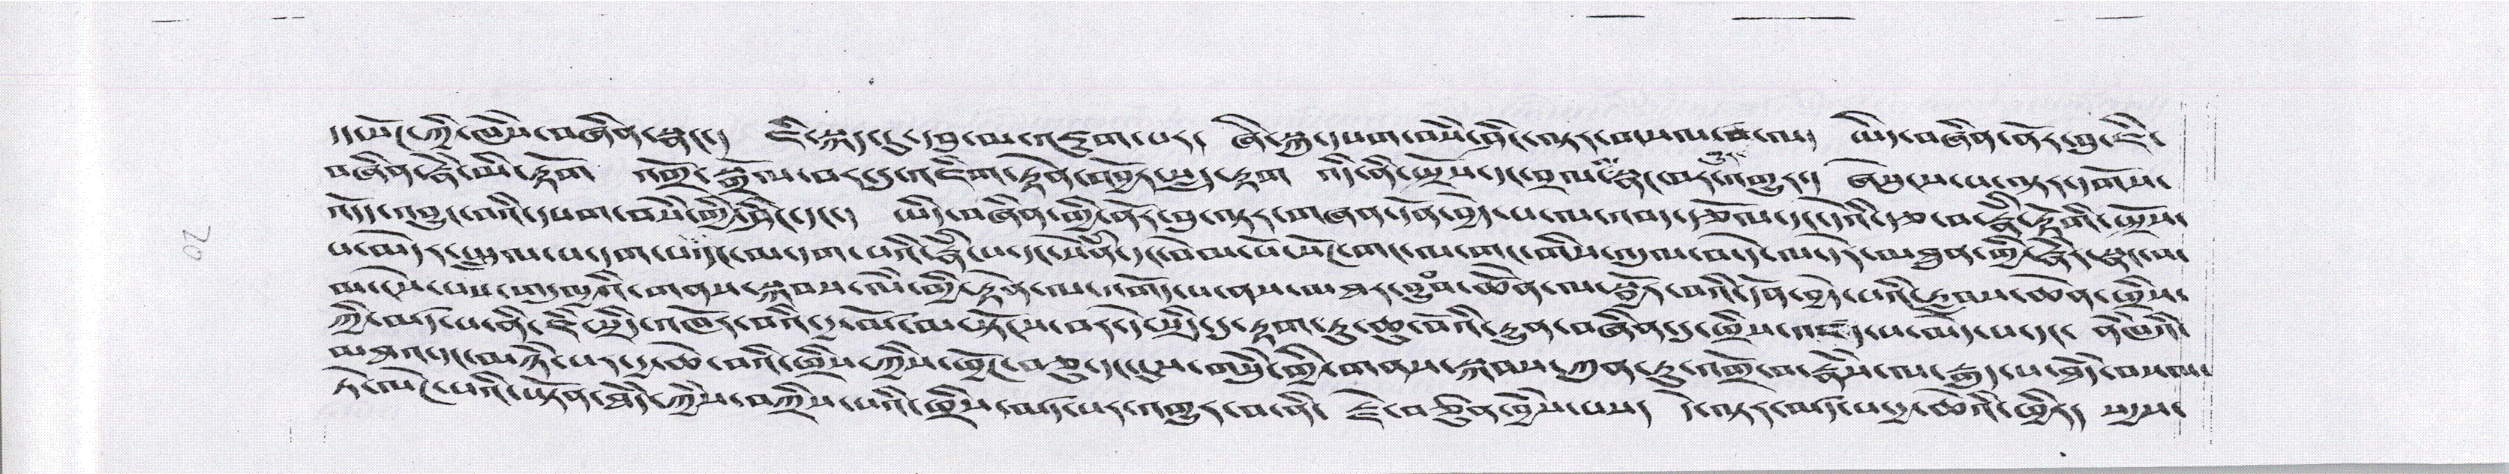དད་སོགས་ཀྱི་ཁམས་བཞིན་སྣང་། ཇི་སྐད་དུ་དབུ་མ་འཇུག་པར། ཞི་སྐུ་དཔག་བསམ་ཤིང་ལྟར་གསལ་གྱུར་ལ། ཡིད་བཞིན་ནོར་བུ་ཇི་
བཞིན་རྣམ་མི་རྟོག འགྲོ་སྒྲོལ་བར་དུ་འཇིག་རྟེན་འབྱོར་སླད་རྟག འདི་ནི་སྤྲོས་དང་བྲལ་ལ་སྣང་བར་འགྱུར། ཞེས་གསུངས་པ་ལྟར། དགོས་
འདོད་འབྱུང་བའི་དཔག་བསམ་གྱི་ཤིང་དང་། ཡིད་བཞིན་གྱི་ནོར་བུ་ལྟར་གཞན་དོན་བྱེད་པ་ལ་འབད་རྩོལ་དང་དེའི་རྩ་བ་རྣམ་རྟོག་གི་སྤྲོས་
པ་མེད་པར་སྤྲུལ་པ་དག་པ་དང་མ་དག་པའི་རྣམ་པ་དང་སེམས་ཅན་དང་བེམ་པོ་སོགས་གང་ལ་གང་འདུལ་བ་དེ་ལ་དེར་མཐུན་གྱི་རྣམ་པར་སྣང་བ་
མ་ངེས་པས་གདུལ་བྱའི་གནས་སྐབས་ལམ་གྱི་རྟེན་ལ་འགོད་པ་ནས་མཐར་བྱང་ཆུབ་ཆེན་པོ་ལ་སྦྱོར་བའི་དོན་བྱེད་པའི་རླབས་ཆེན་ཕྲིན་ལས་
ཀྱི་མཛད་པ་ནི་ཇི་སྲིད་འཁོར་བའི་རྒྱ་མཚོ་མ་སྟོང་བར་དེ་སྲིད་དུ་རྟག་ཏུ་ཆུ་བོའི་རྒྱུན་བཞིན་དུ་ཕྲིན་ལས་འཛད་པ་མེད་པ་དང་། ནམ་མཁའི་
མཐའ་དང་མཉམ་པར་རྒྱ་ཆེ་བའི་ཕྲིན་ལས་ཀྱིས་ཕྱོགས་བཅུ་དང་དུས་གསུམ་གྱི་གནས་སྐབས་ཀུན་ཏུ་འགྲོ་བ་རྣམས་ལ་རྒུད་པ་ཐམས་ཅད་བསལ་
ཏེ་ལེགས་པའི་ཡོན་ཏན་ཐམས་ཅད་ཀྱིས་བཀྲིས་པའི་ཕྲིན་ལས་མཛད་པར་འགྱུར་བ་ནི། རྗེ་བཙུན་བྱམས་པས། དེ་ལྟར་མཛད་པ་རྒྱ་ཆེའི་ཕྱིར། སངས་རྒྱས་